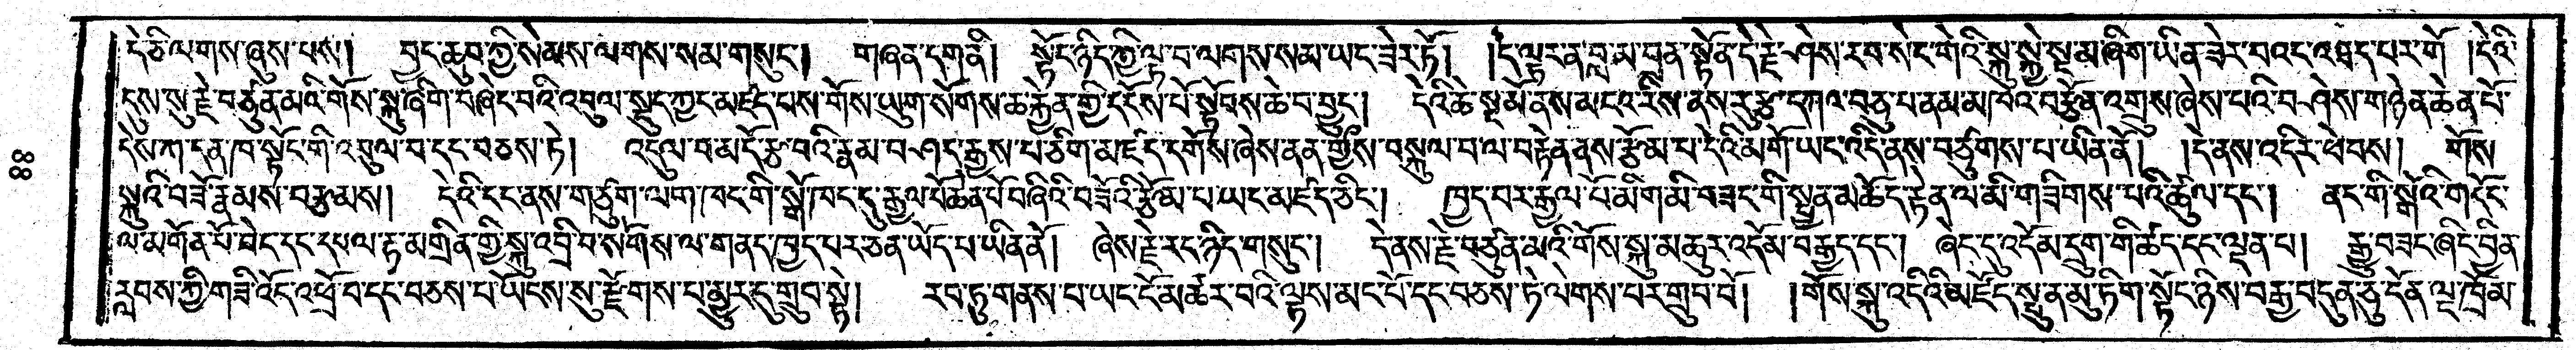དེ་ཅི་ལགས་ཞུས་པས། བྱང་ཆུབ་ཀྱི་སེམས་ལགས་སམ་གསུང་། གཞན་དག་ནི། སྟོང་ཉིད་ཀྱི་ལྟ་བ་ལགས་སམ་ཡང་ཟེར་ཏོ། །དེ་ལྟར་ན་བླ་མ་བྲན་སྟོན་དེ་རྗེ་ཤེས་རབ་སེང་གེའི་སྐུ་སྐྱེ་སྔ་མ་ཞིག་ཡིན་ཟེར་བའང་འཐད་པར་གོ །དེའི་
དུས་སུ་རྗེ་བཙུན་མའི་གོས་སྐུ་ཞིག་བཞེང་བའི་འབུལ་སྡུད་ཀྱང་མཛད་པས་གོས་ཡུག་སོགས་ཆ་རྐྱེན་གྱི་དངོས་པོ་སྟོབས་ཆེ་བ་བྱུང་། དེའི་ཆེ་སྔ་མོ་ནས་མངའ་རིས་ནས་རུ་རྩ་དཀའ་བཅུ་པ་ནམ་མཁའ་བརྩོན་འགྲུས་ཞེས་པའི་བཤེས་གཉེན་ཆེན་པོ་
དེས་ཀ་དན་ཁ་སྟོང་གི་འབུལ་བ་དང་བཅས་ཏེ། འདུལ་བ་མདོ་རྩ་བའི་རྣམ་བཤད་རྒྱས་པ་ཅིག་མཛད་དགོས་ཞེས་ནན་གྱྀས་བསྐུལ་པ་ལ་བརྟེན་ནས་རྩོམ་པ་དེའི་མགོ་ཡང་འདི་ནས་བཙུགས་པ་ཡིན་ནོ། །དེ་ནས་འདིར་ཕེབས། གོས་
སྐུའི་བཟོ་རྣམས་བརྩམས། དེའི་ངང་ནས་གཙུག་ལག་ཁང་གི་སྒོ་ཁང་དུ་རྒྱལ་པོ་ཆེན་པོ་བཞིའི་བཟོའི་རྩོམ་པ་ཡང་མཛད་ཅིང་། ཁྱད་པར་རྒྱལ་པོ་མིག་མི་བཟང་གི་སྤྱན་མཆོད་རྟེན་ལ་མི་གཟིགས་པའི་ཚུལ་དང་། ནང་གི་སྒོའི་གདོང་
ལ་མགོན་པོ་བེད་དང་དཔལ་རྟ་མགྲིན་གྱི་སྐུ་འབྲི་བ་སོགས་ལ་གནད་ཁྱད་པར་ཅན་ཡོད་པ་ཡིན་ནོ། ཞེས་རྗེ་རང་ཉིད་གསུང་། དེ་ནས་རྗེ་བཙུན་མའི་གོས་སྐུ་མཆུར་འདོམ་བརྒྱད་དང་། ཞེང་དུ་འདོམ་དྲུག་གི་ཚད་དང་ལྡན་པ། རྒྱུ་བཟང་ཞིང་བྱིན་
རླབས་ཀྱི་གཟི་འོད་འཕྲོ་བ་དང་བཅས་པ་ཡོངས་སུ་རྫོགས་པ་མྱུར་དུ་གྲུབ་སྟེ། རབ་ཏུ་གནས་པ་ཡང་ངོ་མཚར་བའི་ལྟས་མང་པོ་དང་བཅས་ཏེ་ལེགས་པར་གྲུབ་བོ། །གོས་སྐུ་འདིའི་མཛོད་སྤུན་མུ་ཏིག་སྟོང་ཉིས་བརྒྱ་བདུན་ཅུ་དོན་ལྔ་ཁྲོམ་